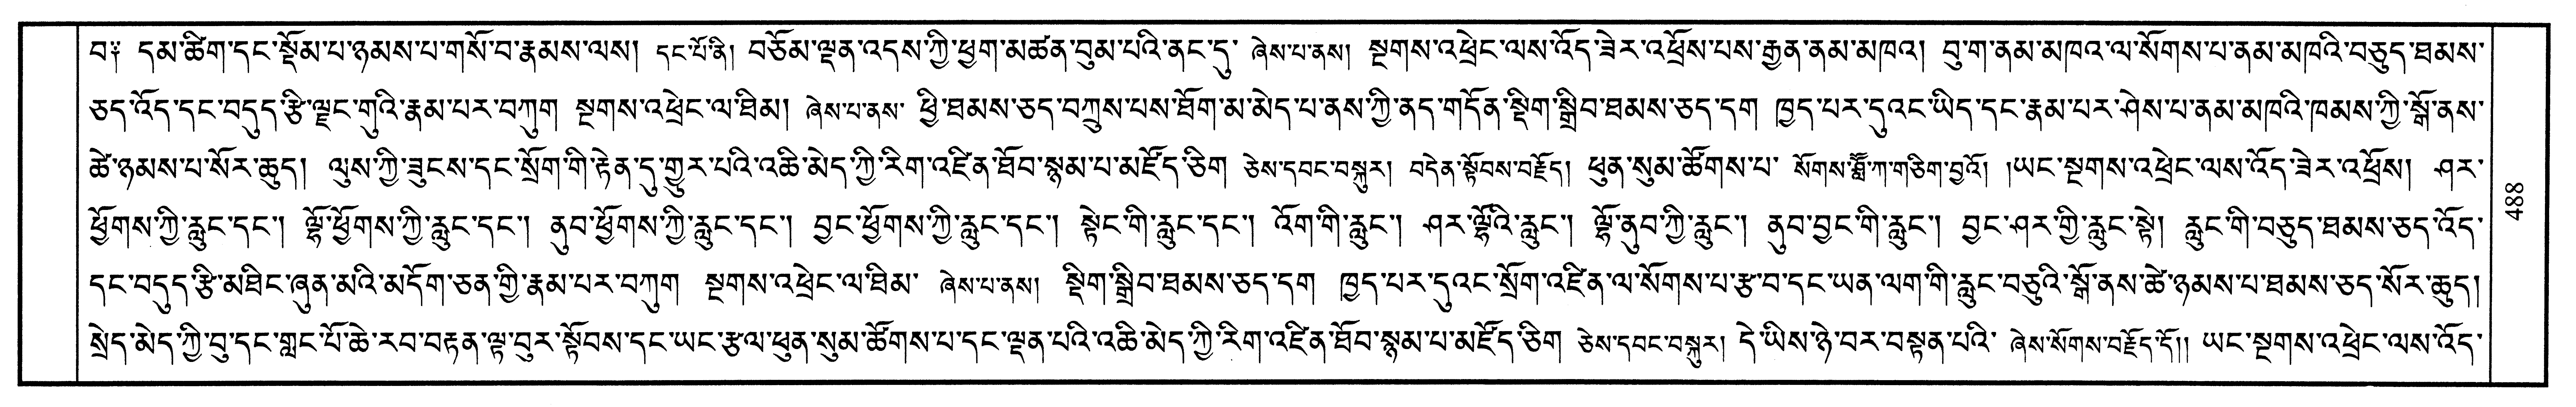བ༑ དམ་ཚིག་དང་སྡོམ་པ་ཉམས་པ་གསོ་བ་རྣམས་ལས། དང་པོ་ནི། བཅོམ་ལྡན་འདས་ཀྱི་ཕྱག་མཚན་བུམ་པའི་ནང་དུ་ཞེས་པ་ནས། སྔགས་འཕྲེང་ལས་འོད་ཟེར་འཕྲོས་པས་རྒྱན་ནམ་མཁའ། བུ་ག་ནམ་མཁའ་ལ་སོགས་པ་ནམ་མཁའི་བཅུད་ཐམས་
ཅད་འོད་དང་བདུད་རྩི་ལྗང་གུའི་རྣམ་པར་བཀུག་སྔགས་འཕྲེང་ལ་ཐིམ། ཞེས་པ་ནས་ཕྱི་ཐམས་ཅད་བཀྲུས་པས་ཐོག་མ་མེད་པ་ནས་ཀྱི་ནད་གདོན་སྡིག་སྒྲིབ་ཐམས་ཅད་དག། ཁྱད་པར་དུའང་ཡིད་དང་རྣམ་པར་ཤེས་པ་ནམ་མཁའི་ཁམས་ཀྱི་སྒོ་ནས་
ཚེ་ཉམས་པ་སོར་ཆུད། ལུས་ཀྱི་ཟུངས་དང་སྲོག་གི་རྟེན་དུ་གྱུར་པའི་འཆི་མེད་ཀྱི་རིག་འཛིན་ཐོབ་སྙམ་པ་མཛོད་ཅིག། ཅེས་དབང་བསྐུར། བདེན་སྟོབས་བརྗོད། ཕུན་སུམ་ཚོགས་པ་སོགས་ཤླཽ་ཀ་གཅིག་བྱའོ། །ཡང་སྔགས་འཕྲེང་ལས་འོད་ཟེར་འཕྲོས། ཤར་
ཕྱོགས་ཀྱི་རླུང་དང་། ལྷོ་ཕྱོགས་ཀྱི་རླུང་དང་། ནུབ་ཕྱོགས་ཀྱི་རླུང་དང་། བྱང་ཕྱོགས་ཀྱི་རླུང་དང་། སྟེང་གི་རླུང་དང་། འོག་གི་རླུང་། ཤར་ལྷོའི་རླུང་། ལྷོ་ནུབ་ཀྱི་རླུང་། ནུབ་བྱང་གི་རླུང་སྟེ། བྱང་ཤར་གྱི་རླུང་སྟེ། རླུང་གི་བཅུད་ཐམས་ཅད་འོད་
དང་བདུད་རྩི་མཐིང་ཞུན་མའི་མདོག་ཅན་གྱི་རྣམ་པར་བཀུག་སྔགས་འཕྲེང་ལ་ཐིམ་ཞེས་པ་ནས། སྡིག་སྒྲིབ་ཐམས་ཅད་དག་ཁྱད་པར་དུའང་སྲོག་འཛིན་ལ་སོགས་པ་རྩ་བ་དང་ཡན་ལག་གི་རླུང་བཅུའི་སྒོ་ནས་ཚེ་ཉམས་པ་ཐམས་ཅད་སོར་ཆུད།
སྲེད་མེད་ཀྱི་བུ་དང་གླང་པོ་ཆེ་རབ་བརྟན་ལྟ་བུར་སྟོབས་དང་ཡང་རྩལ་ཕུན་སུམ་ཚོགས་པ་དང་ལྡན་པའི་འཆི་མེད་ཀྱི་རིག་འཛིན་ཐོབ་སྙམ་པ་མཛོད་ཅིག། ཅེས་དབང་བསྐུར། དེ་ཡིས་ཉེ་བར་བསྟན་པའི་ཞེས་སོགས་བརྗོད་དོ། །ཡང་སྔགས་འཕྲེང་ལས་འོད་